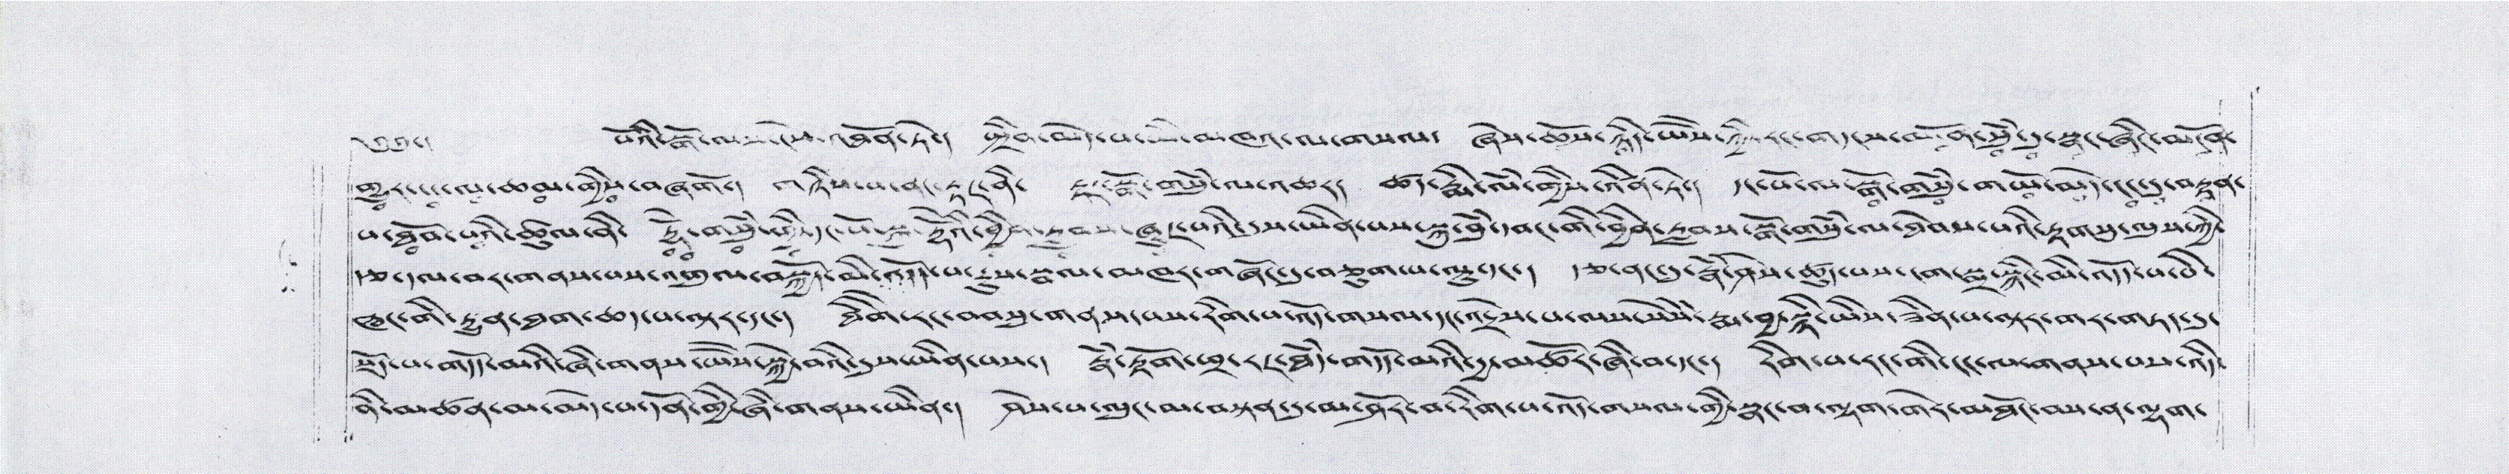པོའི་སྒོ་ལས་ངེས་ཐོན་ཏེ། སྤྲིན་མེད་པ་ཡི་མཁའ་ལ་གསལ། ཞེས་ཆོས་ཉིད་ཡེ་ཤེས་ཀྱི་རང་གདངས་མངོན་སུམ་དུ་སྣང་ཞིང་མངོན་
གྱུར་ངང་ལ་ཆམ་གྱིས་བཞག་གོ། གཉིས་པ་ནང་རྟགས་ནི། རྟགས་སྒོ་གསུམ་ལ་འཆར། ཚད་རྨི་ལམ་གྱིས་འཛིན་ཏེ། དང་པོ་ལ་སྒོ་གསུམ་གཡོ་མེད་ངང་དུ་བརྟན་
པ་ཐོབ་ཚུལ་ནི། རྡོ་རྗེ་གསུམ་གྱི་དང་པོ་སྐུ་རྡོ་རྗེ་བྱིན་རླབས་ཞུགས་པའི་དུས་ཡིན་པས་སྐུ་བུམ་དབང་གི་བྱིན་རླབས་སྒོ་གསུམ་ལ་ཐིམས་པའི་རྟགས་སུ་ལུས་ཀྱི་
རྩ་དལ་བར་གནས་པས་འགུལ་སྐྱོད་མི་འདོད་པ་རུས་སྦལ་འཁར་གཞོང་དུ་བཅུག་པ་ལྟ་བུ་དང་། རྩ་ནང་དུ་རྣམ་ཤེས་ཚུད་པས་ངག་སྨྲ་སྙིང་མི་འདོད་པི་
ཝང་གི་རྒྱུན་ཐག་ཆད་པ་ལྟར་དང་། ཐིག་ལེ་རང་བབས་སུ་གནས་པས་རིག་པ་འོད་གསལ་དང་འདྲེས་པ་ལས་སེམས་རྨ་བྱ་རྙི་ཡིས་ཟིན་པ་ལྟར་གར་གཏད་དུ་
སྡོད་པ་གདོད་མའི་༼གཞི་༽ཞི་གནས་ཡེ་ཤེས་སྐྱེ་བའི་དུས་ཡིན་པས། རྣམ་རྟོག་ཕྲ་རགས་ཐམས་ཅད་གདོད་མའི་རྒྱ་མཚོར་ཞི་བ་དང་། རིག་པ་རང་གི་ངང་ལ་གནས་པས་འདི་
ནི་མཚན་མ་མེད་པ་དོན་གྱི་ཞི་གནས་ཡིན། ཤེས་པ་ལུང་མ་བསྟན་དུ་མ་ཤོར་བ་རིག་པ་འོད་གསལ་གྱི་སྣང་བ་ལྷག་གེར་མཐོང་བས་ན་ལྷག་